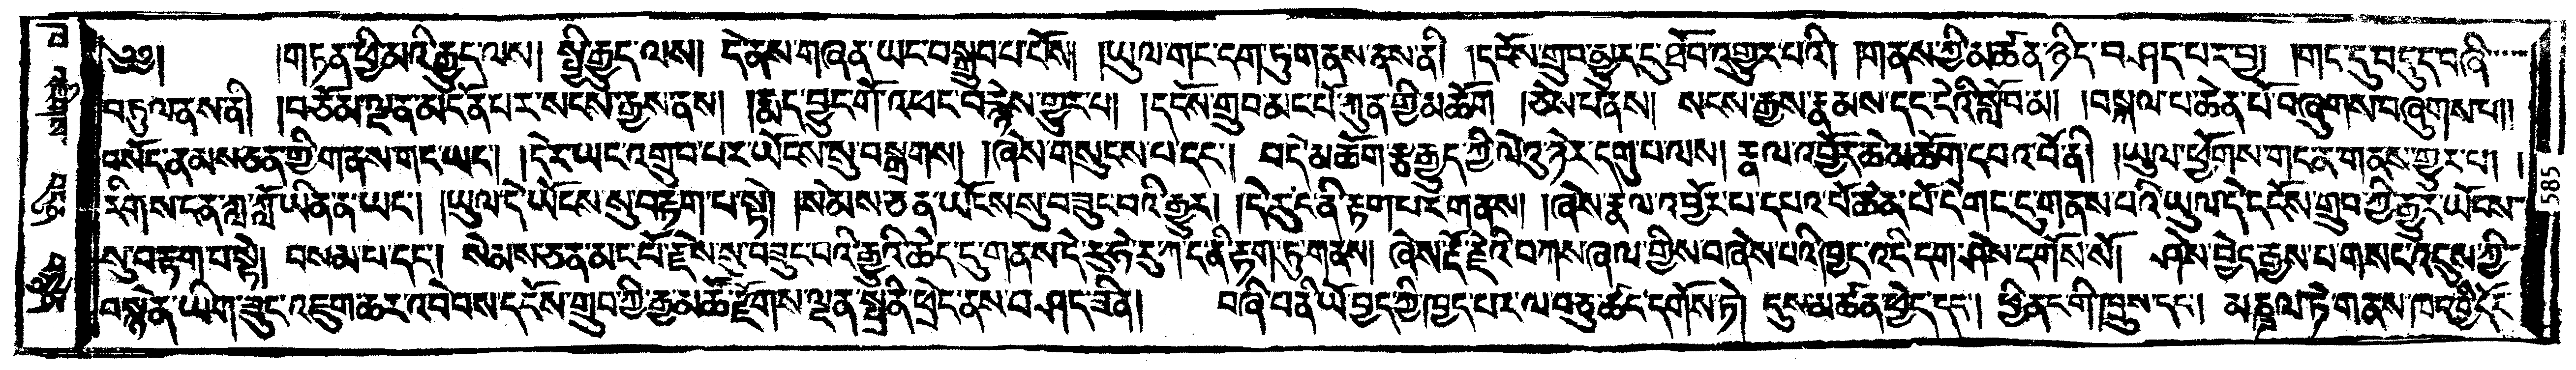༄༅། །གཏན་ཕྱི་མའི་རྒྱུད་ལས། སྤྱི་རྒྱུད་ལས། དེ་ནས་གཞན་ཡང་བསྒྲུབ་པ་པོས། །ཡུལ་གང་དག་ཏུ་གནས་ནས་ནི། །དངོས་གྲུབ་མྱུར་དུ་ཐོབ་འགྱུར་པའི། །གནས་ཀྱི་མཚན་ཉིད་བཤད་པར་བྱ། །གང་དུ་བདུད་བཞི་
བཏུལ་ནས་ནི། །བཅོམ་ལྡན་མངོན་པར་སངས་རྒྱས་ནས། །རྨད་བྱུང་གོ་འཕང་བརྙེས་གྱུར་པ། །དངོས་གྲུབ་མང་པོ་ཀུན་གྱི་མཆོག །ཅེས་པ་ནས། སངས་རྒྱས་རྣམས་དང་དེའི་སློབ་མ། །བསྐལ་པ་ཆེན་པོ་བཞུགས་བཞུགས་པ།།
བསོད་ནམས་ཅན་གྱི་གནས་གང་ཡང་། །དེར་ཡང་འགྲུབ་པར་ཡོངས་སུ་བསྒྲགས། །ཞེས་གསུངས་པ་དང་། བདེ་མཆོག་རྩ་རྒྱུད་ཀྱི་ལེའུ་ཉེར་དགུ་པ་ལས། རྣལ་འབྱོར་ཆེ་མཆོག་དཔའ་བོ་ནི། །ཡུལ་ཕྱོགས་གང་ན་གནས་གྱུར་པ། །
རིགས་ངན་ཀླ་ཀློ་ཡིན་ན་ཡང་། །ཡུལ་དེ་ཡོངས་སུ་བརྟག་པ་སྟེ། །སེམས་ཅན་ཡོངས་སུ་བཟུང་བའི་རྒྱུར། །དེ་རུང་ནི་རྟག་པར་གནས། །ཞེས་རྣལ་འབྱོར་པ་དཔའ་བོ་ཆེན་པོ་དེ་གང་དུ་གནས་པའི་ཡུལ་དེ་དངོས་གྲུབ་ཀྱི་རྒྱུར་ཡོངས་
སུ་བརྟག་པ་སྟེ། བསམ་པ་དང་། སེམས་ཅན་མང་པོ་རྗེས་སུ་བཟུང་བའི་རྒྱུའི་ཆེད་དུ་གནས་དེ་རུ་ཧེ་རུ་ཀ་ང་ནི་རྟག་ཏུ་གནས། ཞེས་རྡོ་རྗེའི་བཀས་ཞལ་གྱིས་བཞེས་པའི་ཁྱད་འདི་དག་ཤེས་དགོས་སོ། ཤེས་བྱེད་རྒྱས་པ་གསང་འདུས་ཀྱི་
བསྙེན་ཡིག་ཟུང་འཇུག་ཆར་འབེབས་དངོས་གྲུབ་ཀྱི་རྒྱ་མཚོ་རྫོགས་ལྡན་སྤྲིན་ཕྲེང་ནས་བཤད་ཟིན། བཞི་པ་ནི་ཡོ་བྱད་ཀྱི་ཁྱད་པར་ལ་བཅུ་ཚང་དགོས་ཏེ། དུས་མཚན་ཕྱེད་དང་། ཕྱི་ནང་གི་ཁྲུས་དང་། མཎྜལ་ཏེ་གནས་ཁང་བྱི་དོར་